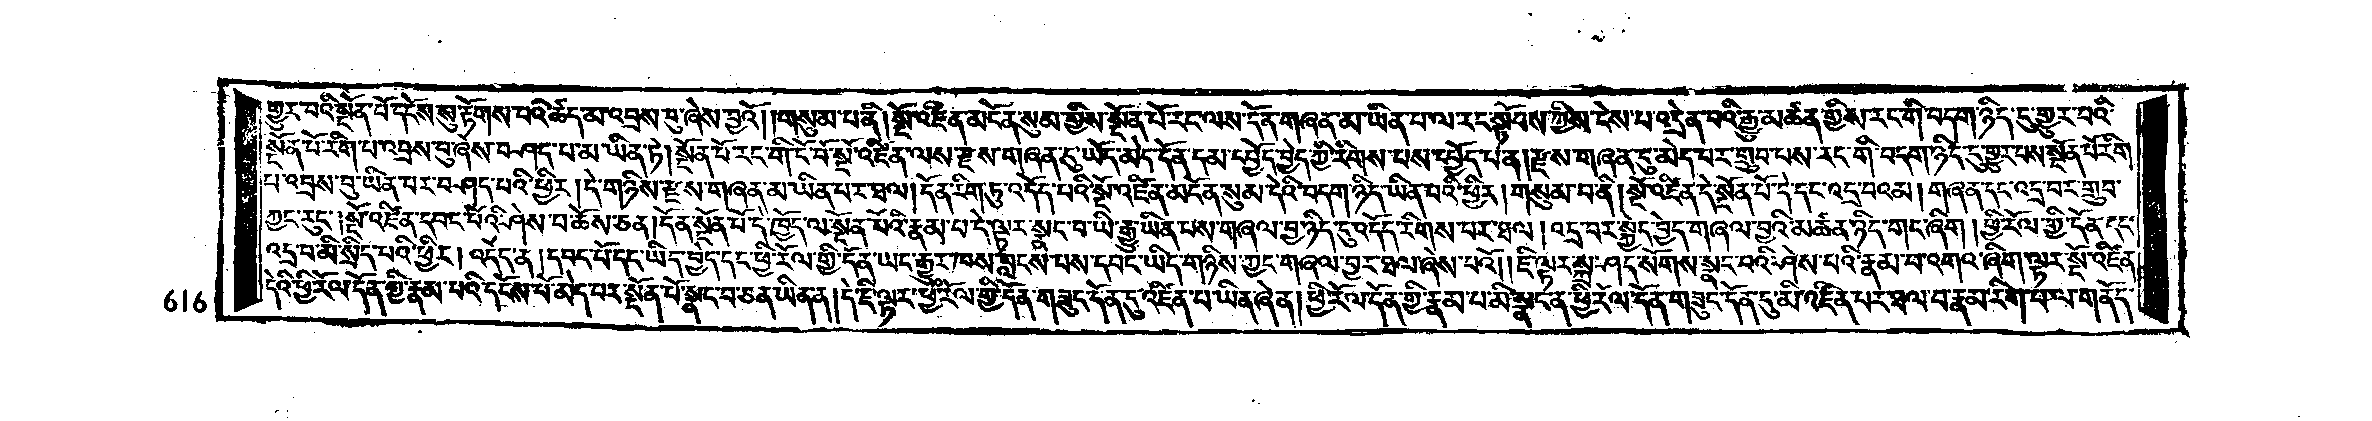གྱུར་བའི་སྔོན་པོ་དངོས་སུ་རྟོགས་པའི་ཚད་མ་འབྲས་བུ་ཞེས་བྱའོ། །གསུམ་པ་ནི། སྔོ་འཛིན་མངོན་སུམ་གྱིས་སྔོན་པོ་རང་ལས་དོན་གཞན་མ་ཡིན་པ་ལ་རང་སྟོབས་ཀྱིས་ངེས་པ་འདྲེན་པའི་རྒྱུ་མཚན་གྱིས་རང་གི་བདག་ཉིད་དུ་གྱུར་པའི་
སྔོན་པོ་རིག་པ་འབྲས་བུ་ཞེས་བཤད་པ་མ་ཡིན་ཏེ། སྔོན་པོ་རང་གི་ངོ་བོ་སྔོ་འཛིན་ལས་རྫས་གཞན་དུ་ཡོད་མེད་དོན་དམ་དཔྱོད་བྱེད་ཀྱི་རིགས་པས་དཔྱོད་པ་ན། རྫས་གཞན་དུ་མེད་པར་གྲུབ་པས་རང་གི་བདག་ཉིད་དུ་གྱུར་པས་སྔོན་པོ་རིག་
པ་འབྲས་བུ་ཡིན་པར་བཤད་པའི་ཕྱིར། དེ་གཉིས་རྫས་གཞན་མ་ཡིན་པར་ཐལ། དོན་རིག་ཏུ་འདོད་པའི་སྔོ་འཛིན་མངོན་སུམ་དེའི་བདག་ཉིད་ཡིན་པའི་ཕྱིར། གསུམ་པ་ནི། སྔོ་འཛིན་དེ་སྔོན་པོ་དེ་དང་འདྲ་བའམ། གཞན་དང་འདྲ་བར་གྲུབ་
ཀྱང་རུང་། སྔོ་འཛིན་དབང་པོའི་ཤེས་པ་ཆོས་ཅན། དོན་སྔོན་པོ་དེ་ཁྱོད་ལ་སྔོན་པོའི་རྣམ་པ་དེ་ལྟར་སྣང་བ་ཡི་རྒྱུ་ཡིན་པས་གཞལ་བྱ་ཉིད་དུ་འདོད་རིགས་པར་ཐལ། འདྲ་བར་སྐྱེད་བྱེད་གཞལ་བྱའི་མཚན་ཉིད་གང་ཞིག །ཕྱི་རོལ་གྱི་དོན་དང་
འདྲ་བ་མི་སྲིད་པའི་ཕྱིར། འདོད་ན། དབང་པོ་དང་ཡིད་བྱེད་དང་ཕྱི་རོལ་གྱི་དོན་ཡང་རྒྱུར་ཁས་བླངས་པས་དབང་ཡིད་གཉིས་ཀྱང་གཞལ་བྱར་ཐལ་ཞེས་པའོ། །ཇི་ལྟར་སྐྲ་ཤད་སོགས་སྣང་བའི་ཤེས་པའི་རྣམ་པ་འགའ་ཞིག་ལྟར་སྔོ་འཛིན་
དེའི་ཕྱི་རོལ་དོན་གྱི་རྣམ་པའི་དངོས་པོ་མེད་པར་སྔོན་པོ་སྣང་བ་ཅན་ཡིན་ན། དེ་ཇི་ལྟར་ཕྱི་རོལ་གྱི་དོན་གཟུང་དོན་དུ་འཛིན་པ་ཡིན་ཞེ་ན། ཕྱི་རོལ་དོན་གྱི་རྣམ་པ་མི་སྣང་ན་ཕྱི་རོལ་དོན་གཟུང་དོན་དུ་མི་འཛིན་པར་ཐལ་བ་རྣམ་རིག་པ་ལ་གནོད་